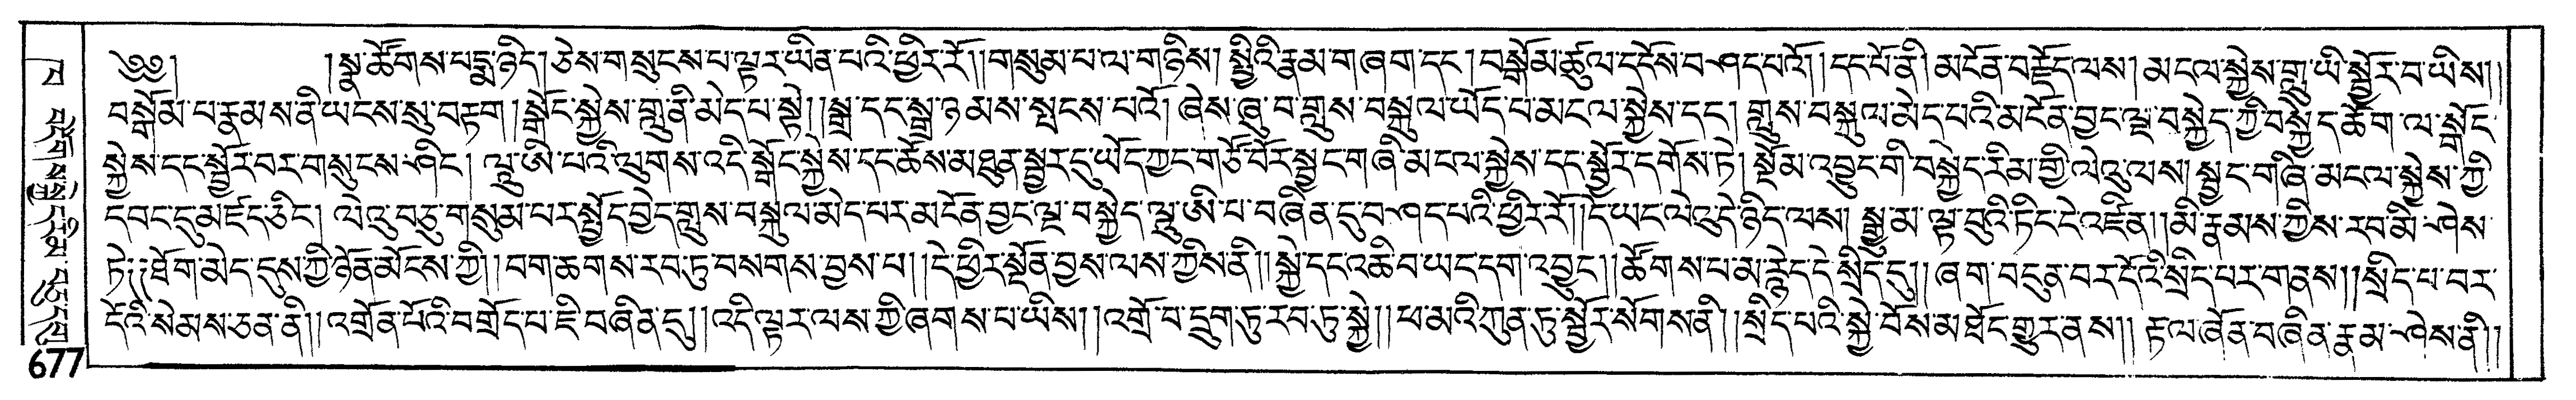༄༅། །སྣ་ཚོགས་པདམ་ཉིད། ཅེས་གསུངས་པ་ལྟར་ཡིན་པའི་ཕྱིར་རོ། །གསུམ་པ་ལ་གཉིས། སྤྱིའི་རྣམ་གཞག་དང་། བསྒོམ་ཚུལ་དངོས་བཤད་པའོ། །དང་པོ་ནི། མངོན་བརྗོད་ལས། མངལ་སྐྱེས་གླུ་ཡི་སྦྱོར་བ་ཡིས། །
བསྒོམ་པ་རྣམས་ནི་ཡངས་སུ་བརྟག །སྒོང་སྐྱེས་གླུ་ནི་མེད་པ་སྟེ། །སྒྲ་དང་སྒྲ་ཉམས་སྤངས་པའོ། ཞེས་ཞུ་བ་གླུས་བསྐུལ་ཡོད་པ་མངལ་སྐྱེས་དང་། གླུས་བསྐུལ་མེད་པའི་མངོན་བྱང་ལྔ་བསྐྱེད་ཀྱི་བསྐྱེད་ཆོག་ལ་སྒོང་
སྐྱེས་དང་སྦྱོར་བར་གསུངས་ཤིང་། ལཱུ་ཨི་པའི་ལུགས་འདི་སྒོང་སྐྱེས་དང་ཆོས་མཐུན་སྦྱར་དུ་ཡོད་ཀྱང་གཙོ་བོར་སྦྱང་གཞི་མངལ་སྐྱེས་དང་སྦྱོར་དགོས་ཏེ། སྡོམ་འབྱུང་གི་བསྐྱེད་རིམ་གྱི་ལེའུ་ལས། སྦྱང་གཞི་མངལ་སྐྱེས་ཀྱི་
དབང་དུ་མཛད་ཅིང་། ལེའུ་བཅུ་གསུམ་པར་སྤྱོད་བྱེད་གླུས་བསྐུལ་མེད་པར་མངོན་བྱང་ལྔ་བསྐྱེད་ལཱུ་ཨི་པ་བཞིན་དུ་བཤད་པའི་ཕྱིར་རོ། །དེ་ཡང་ལེའུ་དེ་ཉིད་ལས། སྒྱུ་མ་ལྟ་བུའི་ཏིང་ངེ་འཛིན། །མི་རྣམས་ཀྱིས་རབ་མི་ཤེས་
ཏེ༑ ༑ཐོག་མེད་དུས་ཀྱི་ཉོན་མོངས་ཀྱི། །བག་ཆགས་རབ་ཏུ་བསགས་བྱས་པ། །དེ་ཕྱིར་སྔོན་བྱས་ལས་ཀྱིས་ནི། །སྐྱེ་དང་འཆི་བ་ཡང་དག་འབྱུང་། །ཚོགས་པ་མ་རྙེད་དེ་སྲིད་དུ། །ཞག་བདུན་བར་དོའི་སྲིད་པར་གནས། །སྲིད་པ་བར་
དོའི་སེམས་ཅན་ནི། །འགྲོན་པོའི་བགྲོད་པ་ཇི་བཞིན་དུ། །འདི་ལྟར་ལས་ཀྱི་ཞགས་པ་ཡིས། །འགྲོ་བ་དྲུག་ཏུ་རབ་ཏུ་སྐྱེ། །ཕ་མའི་ཀུན་ཏུ་སྦྱོར་སོགས་ནི། །སྲིད་པའི་སྐྱེ་བོས་མཐོང་གྱུར་ནས། །རྟ་ལ་ཞོན་བཞིན་རྣམ་ཤེས་ནི། །